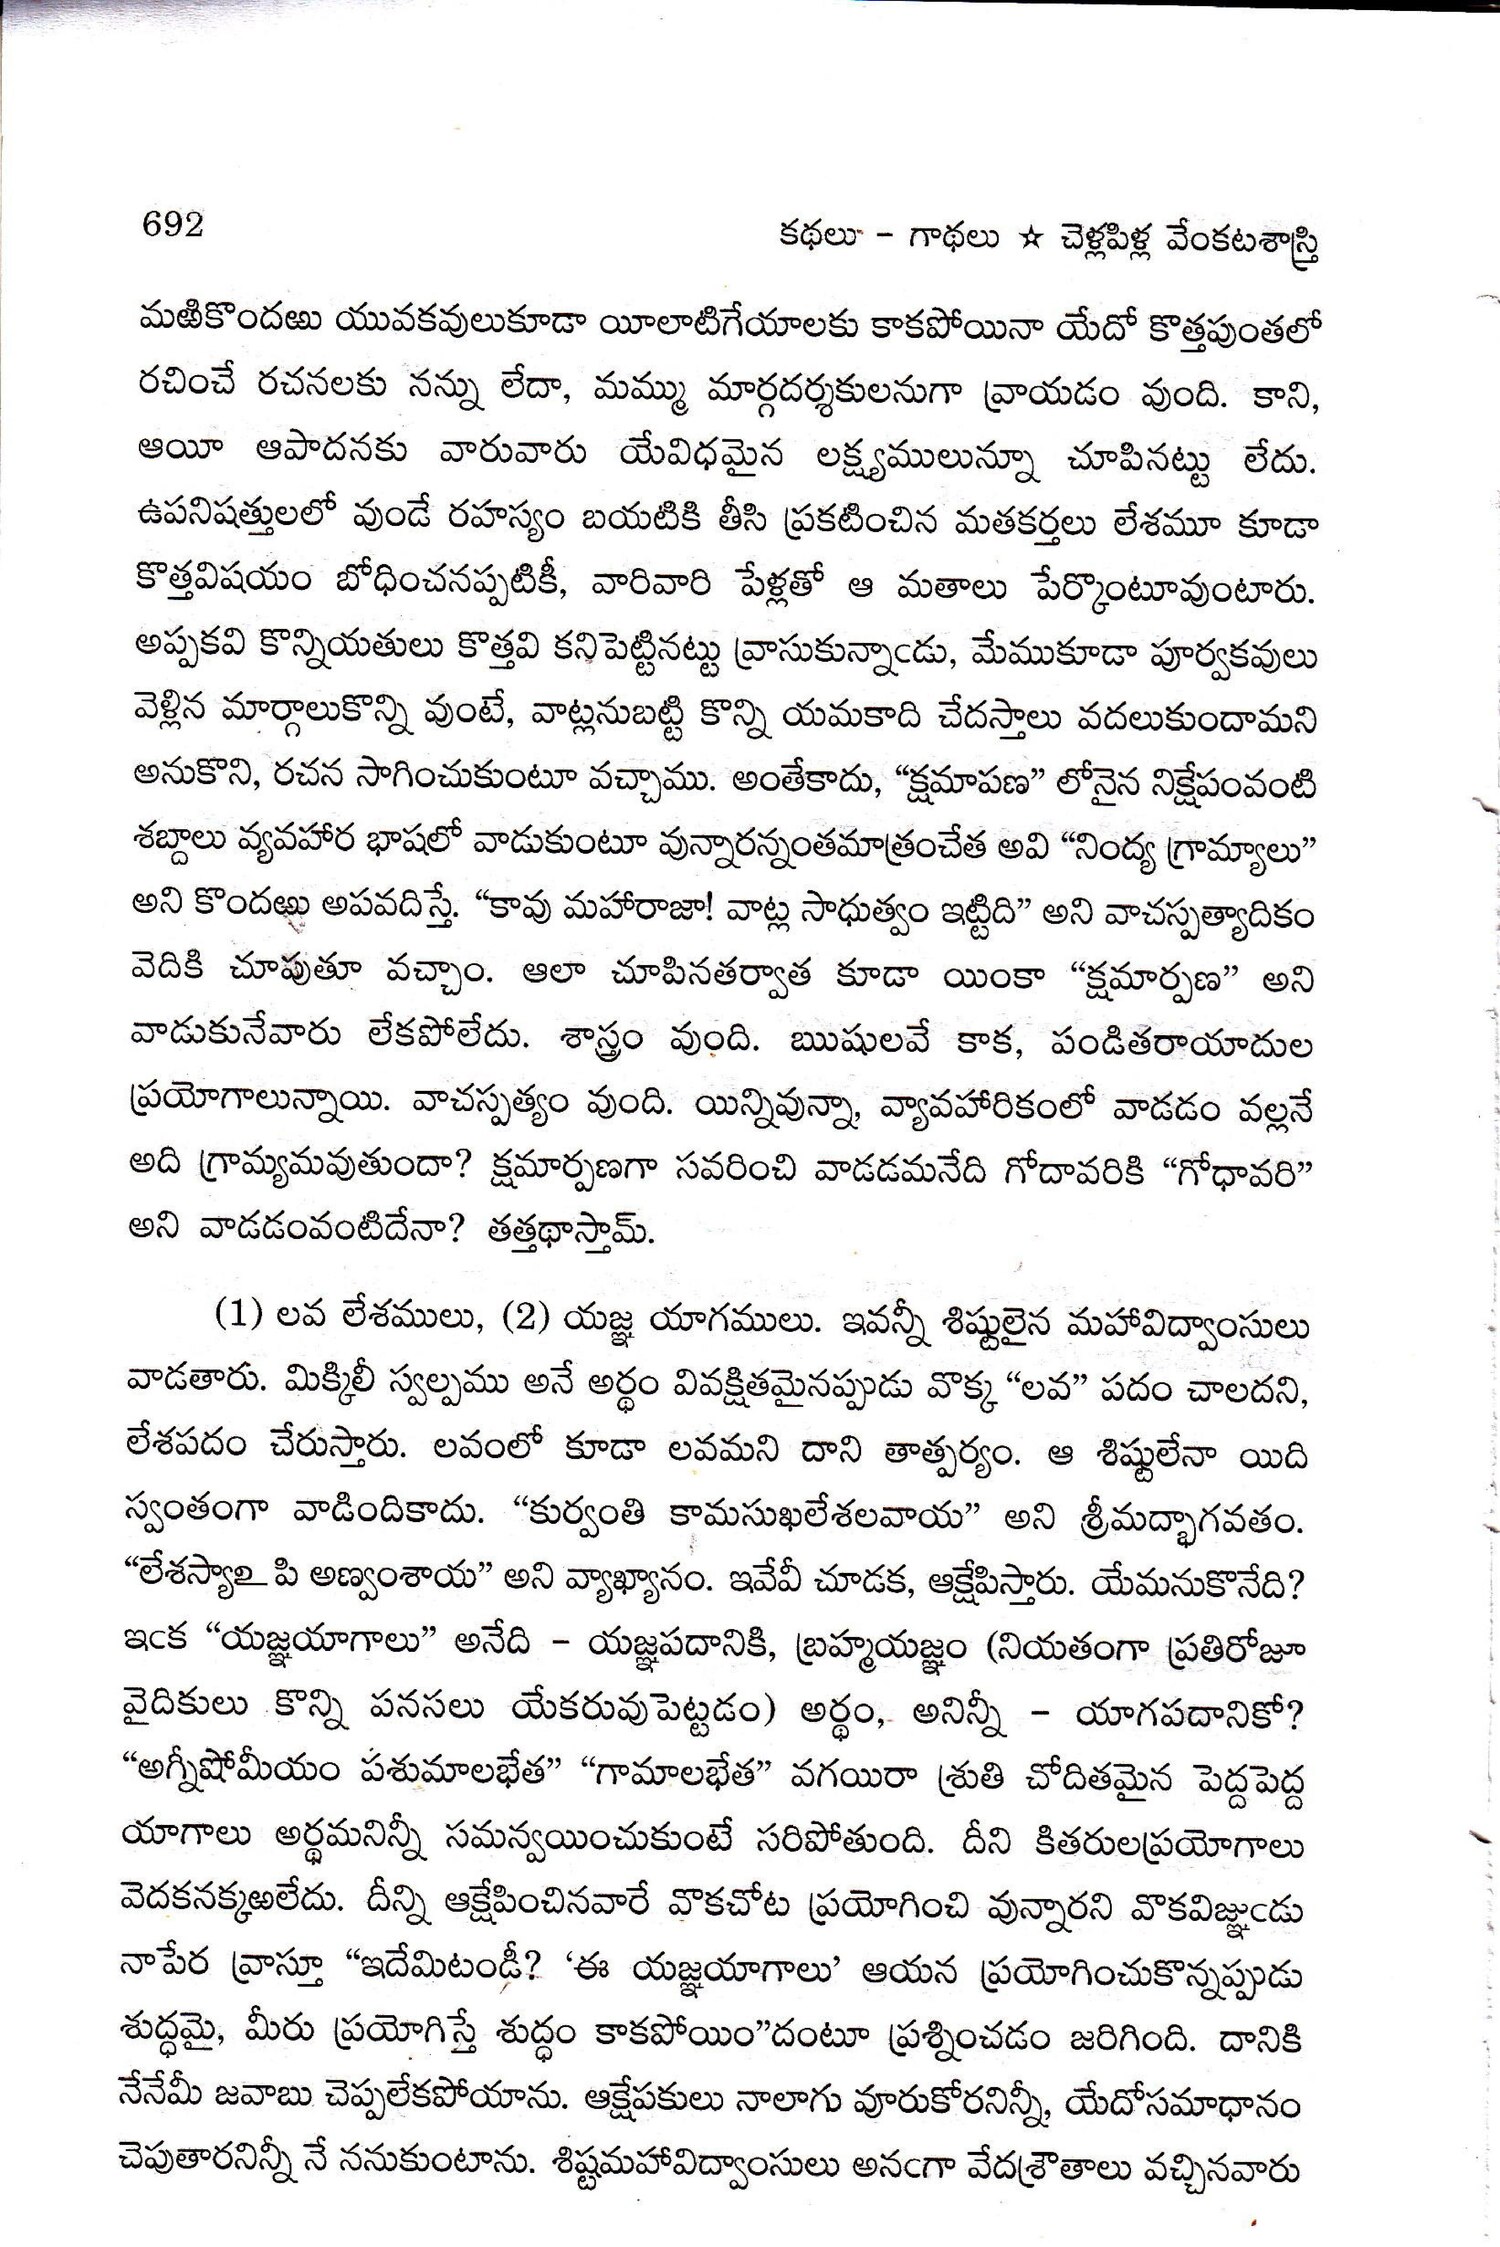మఱికొందఱు యువకవులుకూడా యీలాటిగేయాలకు కాకపోయినా యేదో కొత్తపుంతలో రచించే రచనలకు నన్ను లేదా మమ్ము మార్గదర్శకులనుగా వ్రాయడం వుంది. కాని, ఆయీ ఆపాదనకు వారువారు యేవిధమైన లక్ష్యములున్నూ చూపినట్టు లేదు. ఉపనిషత్తులలో వుండే రహస్యం బయటికి తీసి ప్రకటించిన మతకర్తలు లేశమూ కూడా కొత్తవిషయం బోధించనప్పటికీ, వారివారి పేళ్లతో ఆ మతాలు పేర్కొంటూవుంటారు. అప్పకవి కొన్నియతులు కొత్తవి కనిపెట్టినట్టు వ్రాసుకున్నాఁడు, మేముకూడా పూర్వకవులు వెళ్లిన మార్గాలుకొన్ని వుంటే, వాట్లనుబట్టి కొన్ని యమకాది చేదస్తాలు వదలుకుందామని అనుకొని, రచన సాగించుకుంటూ వచ్చాము. అంతేకాదు, "క్షమాపణ" లోనైన నిక్షేపంవంటి శబ్దాలు వ్యవహార భాషలో వాడుకుంటూ వున్నారన్నంతమాత్రంచేత అవి "నింద్య గ్రామ్యాలు" అని కొందఱు అపవదిస్తే "కావు మహారాజా! వాట్ల సాధుత్వం ఇట్టిది" అని వాచస్పత్యాదికం వెదికి చూపుతూ వచ్చాం. ఆలా చూపినతర్వాత కూడా యింకా "క్షమార్పణ" అని వాడుకునేవారు లేకపోలేదు. శాస్త్రం వుంది. ఋషులవే కాక, పండితరాయాదుల ప్రయోగాలున్నాయి. వాచస్పత్యం వుంది. యిన్నివున్నా, వ్యావహారికంలో వాడడం వల్లనే అది గ్రామ్యమవుతుందా? క్షమార్పణగా సవరించి వాడడమనేది గోదావరికి "గోధావరి" అని వాడడంవంటిదేనా? తత్తథాస్తామ్.

(1) లవ లేశములు, (2) యజ్ఞ యాగములు. ఇవన్నీ శిష్ణులైన మహావిద్వాంసులు వాడతారు. మిక్కిలీ స్వల్పము అనే అర్థం వివక్షితమైనప్పుడు వొక్క"లవ" పదం చాలదని, లేశపదం చేరుస్తారు. లవంలో కూడా లవమని దాని తాత్పర్యం. ఆ శిష్టులేనా యిది స్వంతంగా వాడిందికాదు. “కుర్వంతి కామసుఖలేశలవాయ" అని శ్రీమద్భాగవతం. “లేశస్యా౽పి అణ్వంశాయ" అని వ్యాఖ్యానం. ఇవేవీ చూడక, ఆక్షేపిస్తారు. యేమనుకొనేది? ఇఁక "యజ్ఞయాగాలు" అనేది - యజ్ఞపదానికి, బ్రహ్మయజ్ఞం (నియతంగా ప్రతిరోజూ వైదికులు కొన్ని పనసలు యేకరువుపెట్టడం) అర్థం, అనిన్నీ - యాగపదానికో? "అగ్నీషోమీయం పశుమాలభేత “గామాలభేత” వగయిరా శ్రుతి చోదితమైన పెద్దపెద్ద యాగాలు అర్ధమనిన్నీ సమన్వయించుకుంటే సరిపోతుంది. దీని కితరులప్రయోగాలు వెదకనక్కఱలేదు. దీన్ని ఆక్షేపించినవారే వొకచోట ప్రయోగించి వున్నారని వొకవిజ్ఞుఁడు నాపేర వ్రాస్తూ "ఇదేమిటండీ? 'ఈ యజ్ఞయాగాలు' ఆయన ప్రయోగించుకొన్నప్పుడు శుద్ధమై, మీరు ప్రయోగిస్తే శుద్ధం కాకపోయిం"దంటూ ప్రశ్నించడం జరిగింది. దానికి నేనేమీ జవాబు చెప్పలేకపోయాను. ఆక్షేపకులు నాలాగు వూరుకోరనిన్నీ యేదోసమాధానం చెపుతారనిన్నీ నే ననుకుంటాను. శిష్టమహావిద్వాంసులు అనఁగా వేదశ్రౌతాలు వచ్చినవారు